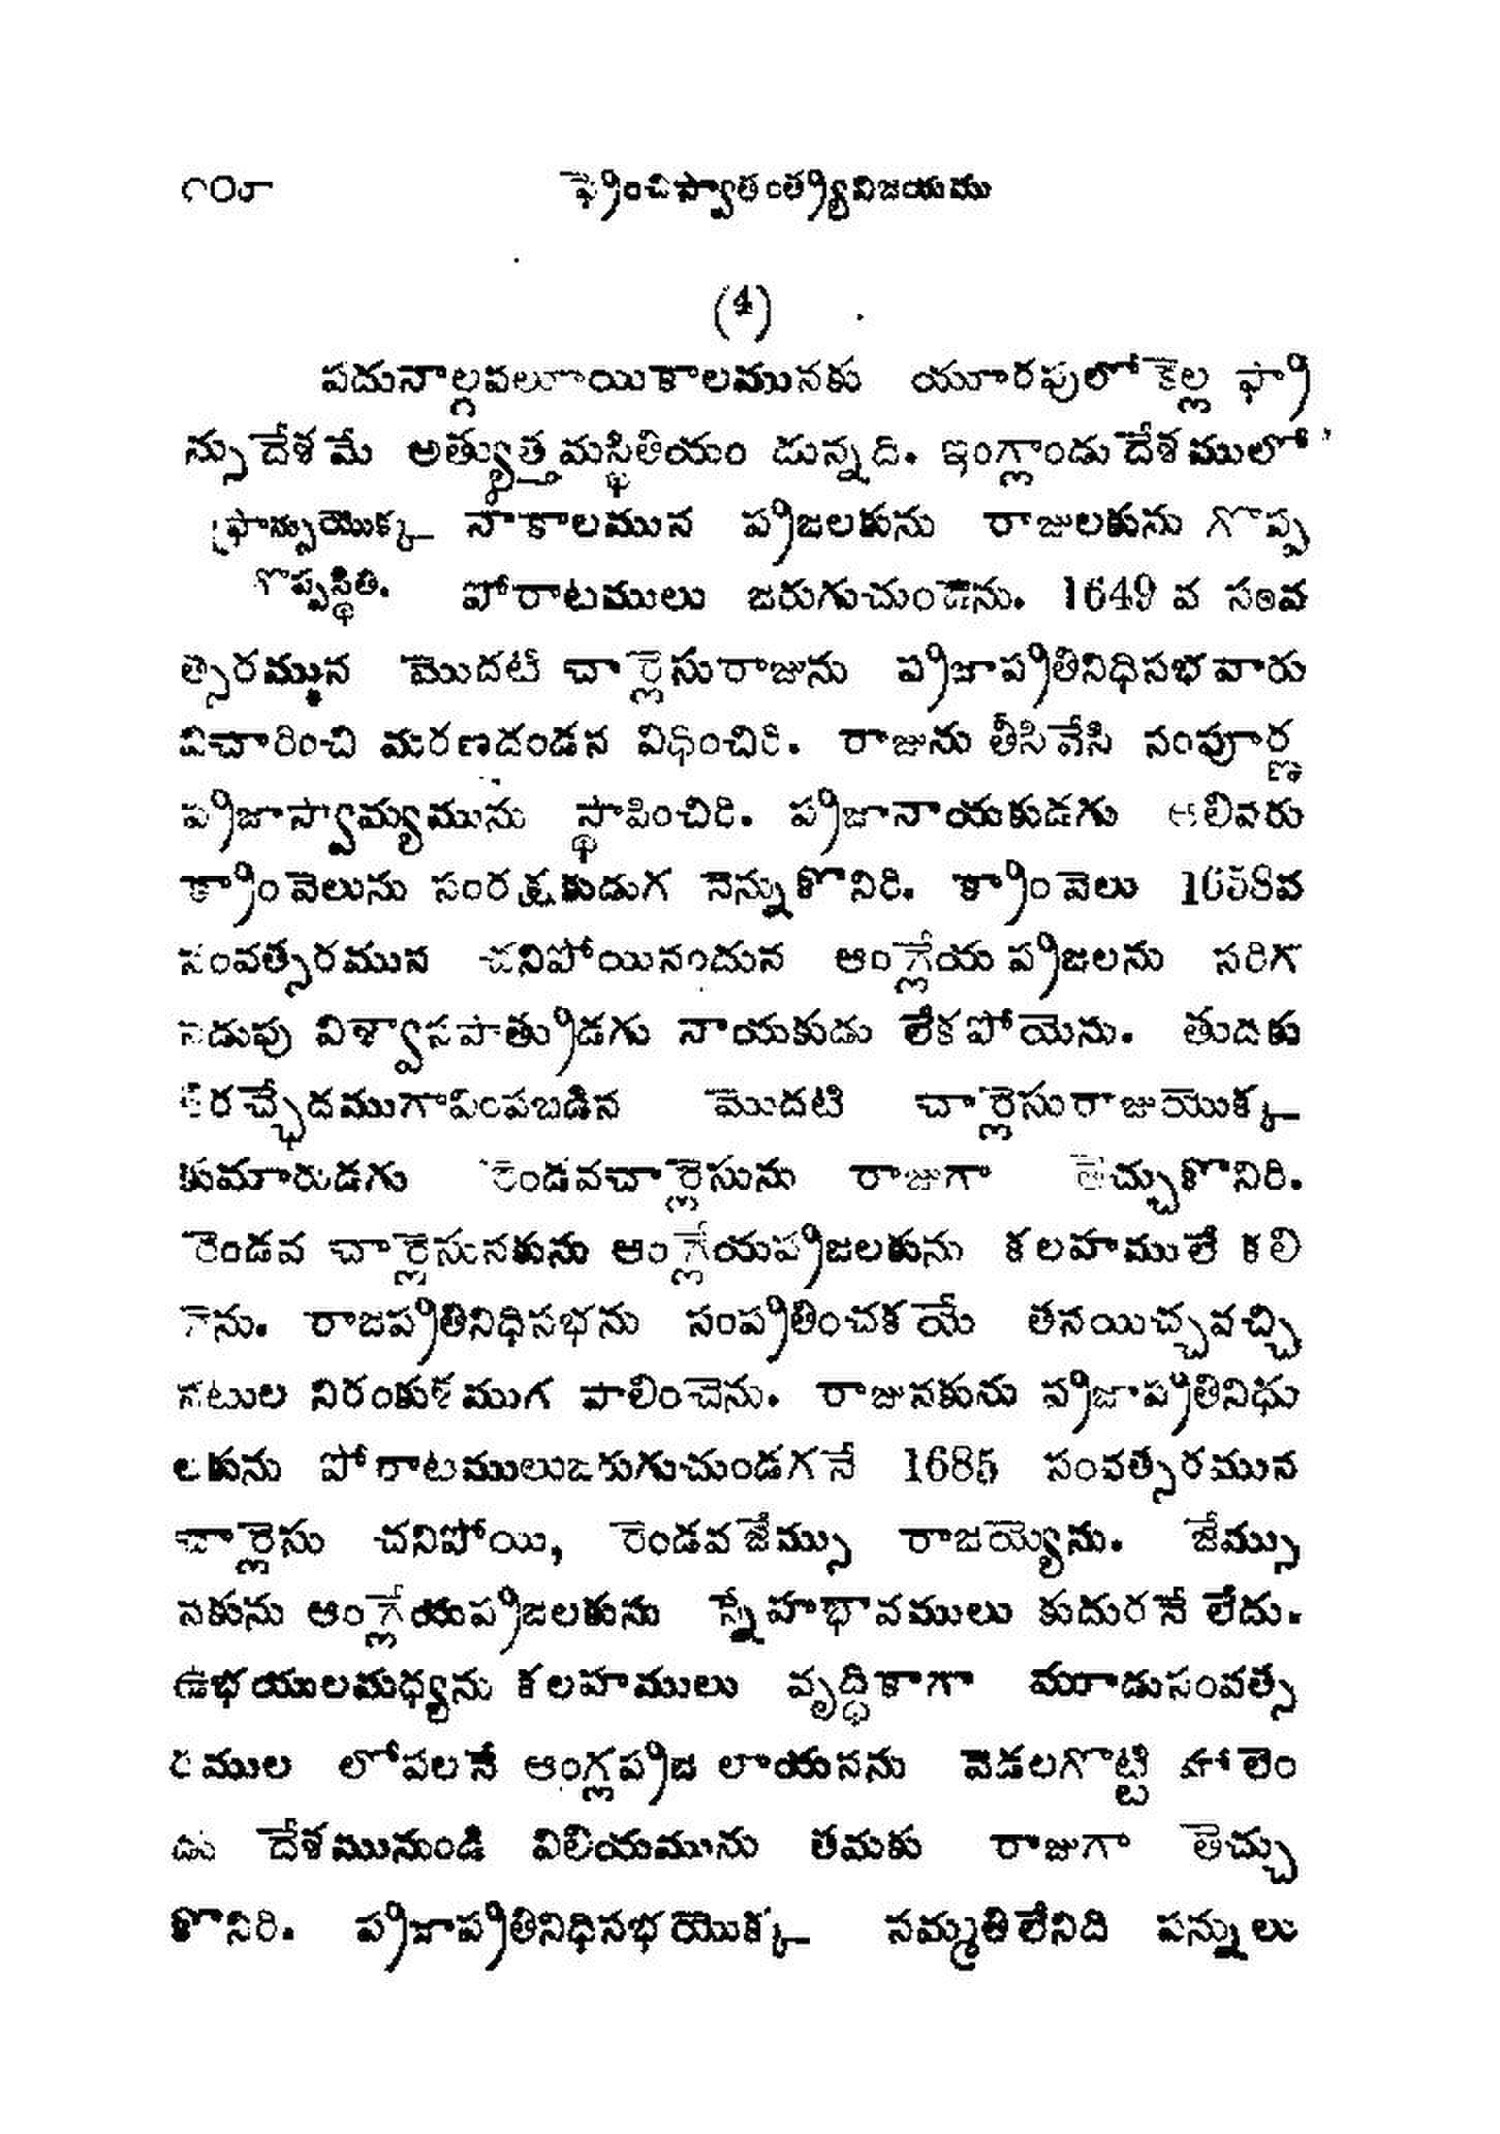ఫ్రాన్సు యొక్క 
గొప్ప స్థితి

పదునాల్గపలూయి కాలమునకు యూరపులో కెల్ల ఫ్రా
న్సు దేశమే అత్యుత్తమస్థితియందున్నది. ఇంగ్లాండు దేశములో ,
నాకాలమున ప్రజలకును రాజులకును గొప్పపోరాటములు జరుగుచుండెను. 
1649 వ సంవత్సరమున మొదటి చార్లెసు రాజును ప్రజాప్రతినిధిసభ వారు
విచారించి మరణదండన విధించిరి. రాజును తీసివేసి సంపూర్ణ
ప్రజాస్వామ్యమును స్థాపించిరి. ప్రజానాయకుడగు - లివరు
క్రాం వెలుసు సంరక్షకుడుగ నెన్ను కొనిరి. క్రాం వెలు 1658 వ
సంవత్సరమున చనిపోయి నందున ఆంగ్లేయ ప్రజలను సరిగా
నడుపు విశ్వాసపాత్రుడగు నాయకుడు లేకపోయెను. తుదకు
చిరచ్ఛేదము గావింపబడిన చార్లెసు రాజు యొక్క
'కుమారుడగు రెండవ చార్లెసును రాజుగా తెచ్చుకొనిరి.
రెండవ చార్లెసుసకును ఆంగ్లేయ ప్రజలకును కలహములే కలి
గెను. రాజప్రతినిధి సభను సంప్రతించక యే తనయిచ్చవచ్చి
నటుల నిరంకుశముగ పాలించెను. రాజునకును ప్రజా ప్రతినిధు
లకును పోరాటములు జరుగుచుండగనే 1685 సంవత్సరమున
చార్లెసు చనిపోయి, రెండవ జేస్సు రాజయ్యెను. 'జేమ్సు
సకును ఆంగ్లేయ ప్రజలకును స్నేహభావములు కుదురనే లేదు.
ఉభయుల మధ్యను కలహములు వృద్ధికాగా మూడుసంవత్స
రముల లోపలనే ఆంగ్లప్రజ లాయనను వెడలగొట్టి హాలెండు
దేశమునుండి విలియమును తమకు రాజుగా తెచ్చు
కొనిరి. ప్రజాప్రతినిధి సభ యొక్క సమ్మతి లేనిది పన్నులు